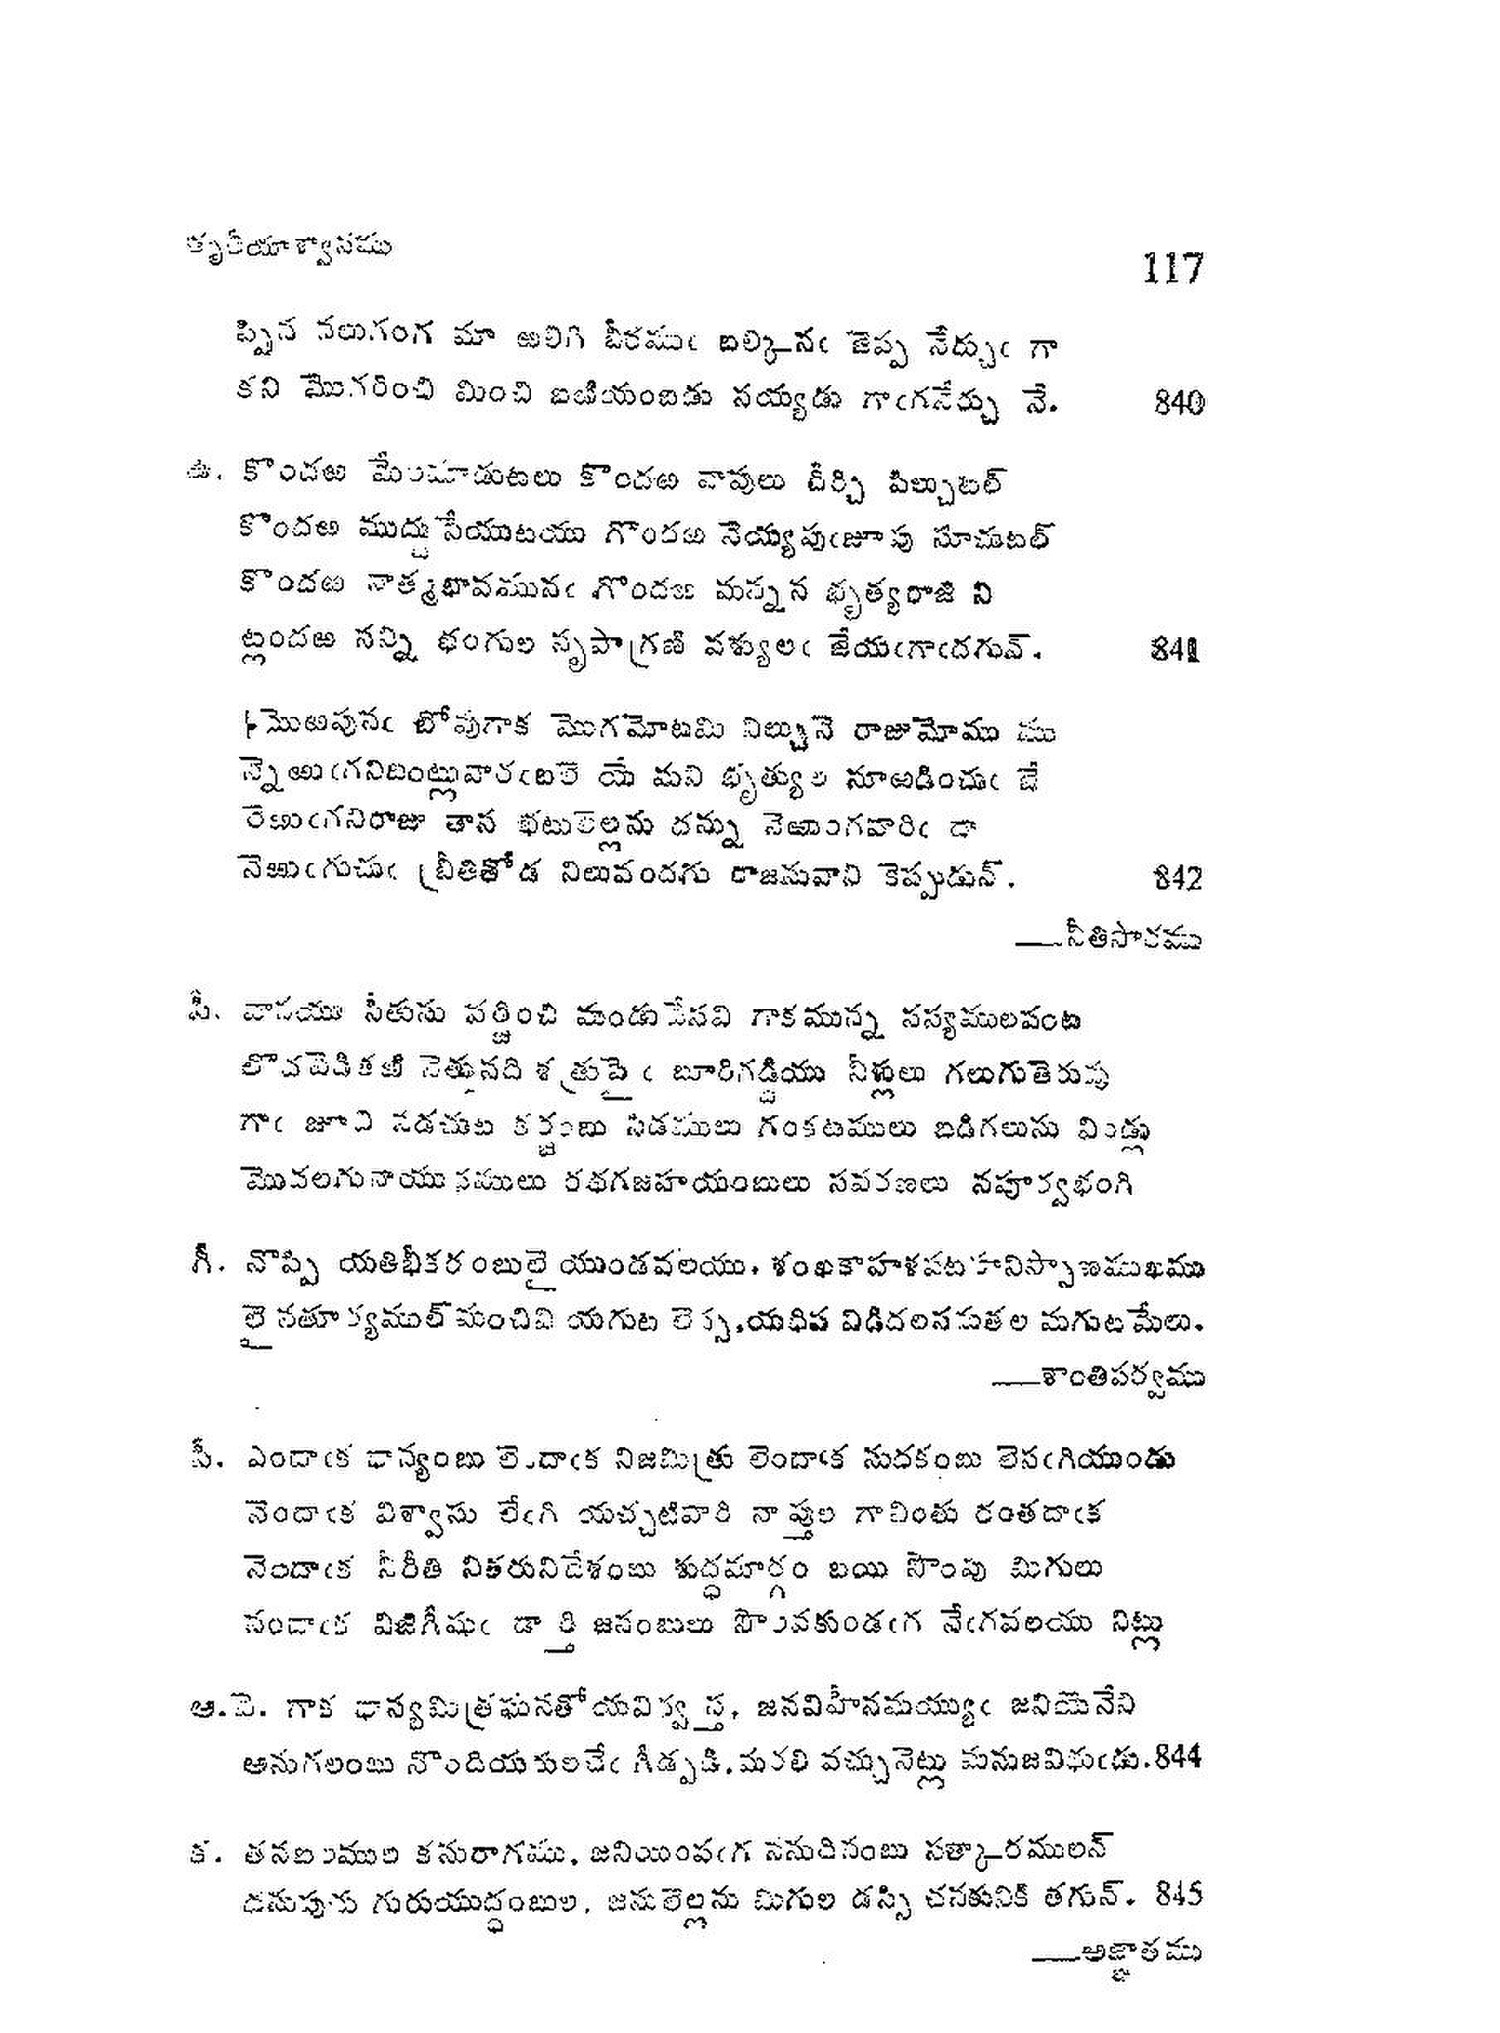ప్పిన నలుగంగ మా ఱలిగి బీరముఁ బల్కినఁ జెప్ప నేర్చుఁ గా
కని మొగరించి మించి బఱియంబడు నయ్యడు గాఁగనేర్చు నే. 840

ఉ. కొందఱు మేలమాడుటలు కొందఱ వావులు దీర్చి పిల్చుటల్
కొందఱ ముద్దుసేయుటయు గొందఱ నెయ్యపుఁజూపు సూచుటల్
కొందఱ నాత్మభావమునఁ గొందఱ మన్నన భృత్యరాజి ని
ట్లందఱ నన్ని భంగుల నృపాగ్రణి వశ్యులఁ జేయఁగాదగున్. 841

చ. మొఱపునఁ బోవుగాక మొగమోటమి నిల్చునె రాజుమోము ము
న్నెఱుఁగనిబంట్లువారఁబలె యే మని భృత్యుల నూఱడించుఁ బే
రెఱుఁగని రాజు తాన భటులెల్లను దన్ను నెఱుంగనివారిఁ దా
నెఱుఁగుచుఁ బ్రీతితోడ నిలువందగు రాజనువాని కెప్పుడున్. 842

సీ. వానయు సీతును వర్జించి మండువేసవి గాకమున్న సస్యములపంట
లొదవెడితఱి నెత్తనది శత్రుపైఁ బూరిగడ్డియు నీళ్ళులు గలుగుతెరువు
గాఁ జూచి నడచుట కర్జంబు సిడములు గంకటములు బడిగలును విండ్లు
మొదలగు నాయుధములు రథగజహయంబులు సవరణలు నపూర్వభంగి
గీ. నొప్పి యతిభీకరంబులై యుండవలయు
శంఖకాహళపటహవిస్సాణముఖము
లైనతూర్యముల్ మంచివి యగుట లెస్స
యధిప విడిదల సమతల మగుట మేలు. 843

సీ. ఎందాఁక ధాన్యంబు లెందాఁక నిజమిత్రు
లెందాఁక నుదకంబు లెసఁగియుండు
నెందాఁక విశ్వాసు లేఁగి యచ్చటివారి
నాప్తుల గావింతు రంతదాఁక
నెందాఁక నీరీతి నితరునిదేశంబు
శుద్ధమార్గం బయి సొంపు మిగులు
నందాఁక విజిగీషుఁ డార్తి జనంబులు
సొంపకుండఁగ నేఁగవలయు నిట్లు
ఆ. గాక ధాన్యమిత్రఘనతోయవిధ్వస్త
జనవిహీనమయ్యుఁ జనియెనేని
అనుగలంబు నొందియరులచేఁ గీడ్పడి
మరలి వచ్చుటెట్లు మనుజవిభుఁడు. 844

క. తనబలముల కనురాగము
జనియింపఁగ ననుదినంబు సత్కారములన్
దనుపుచు గురుయుద్ధంబుల
జనులెల్లను మిగుల డస్సి చనకునికి తగున్. 845